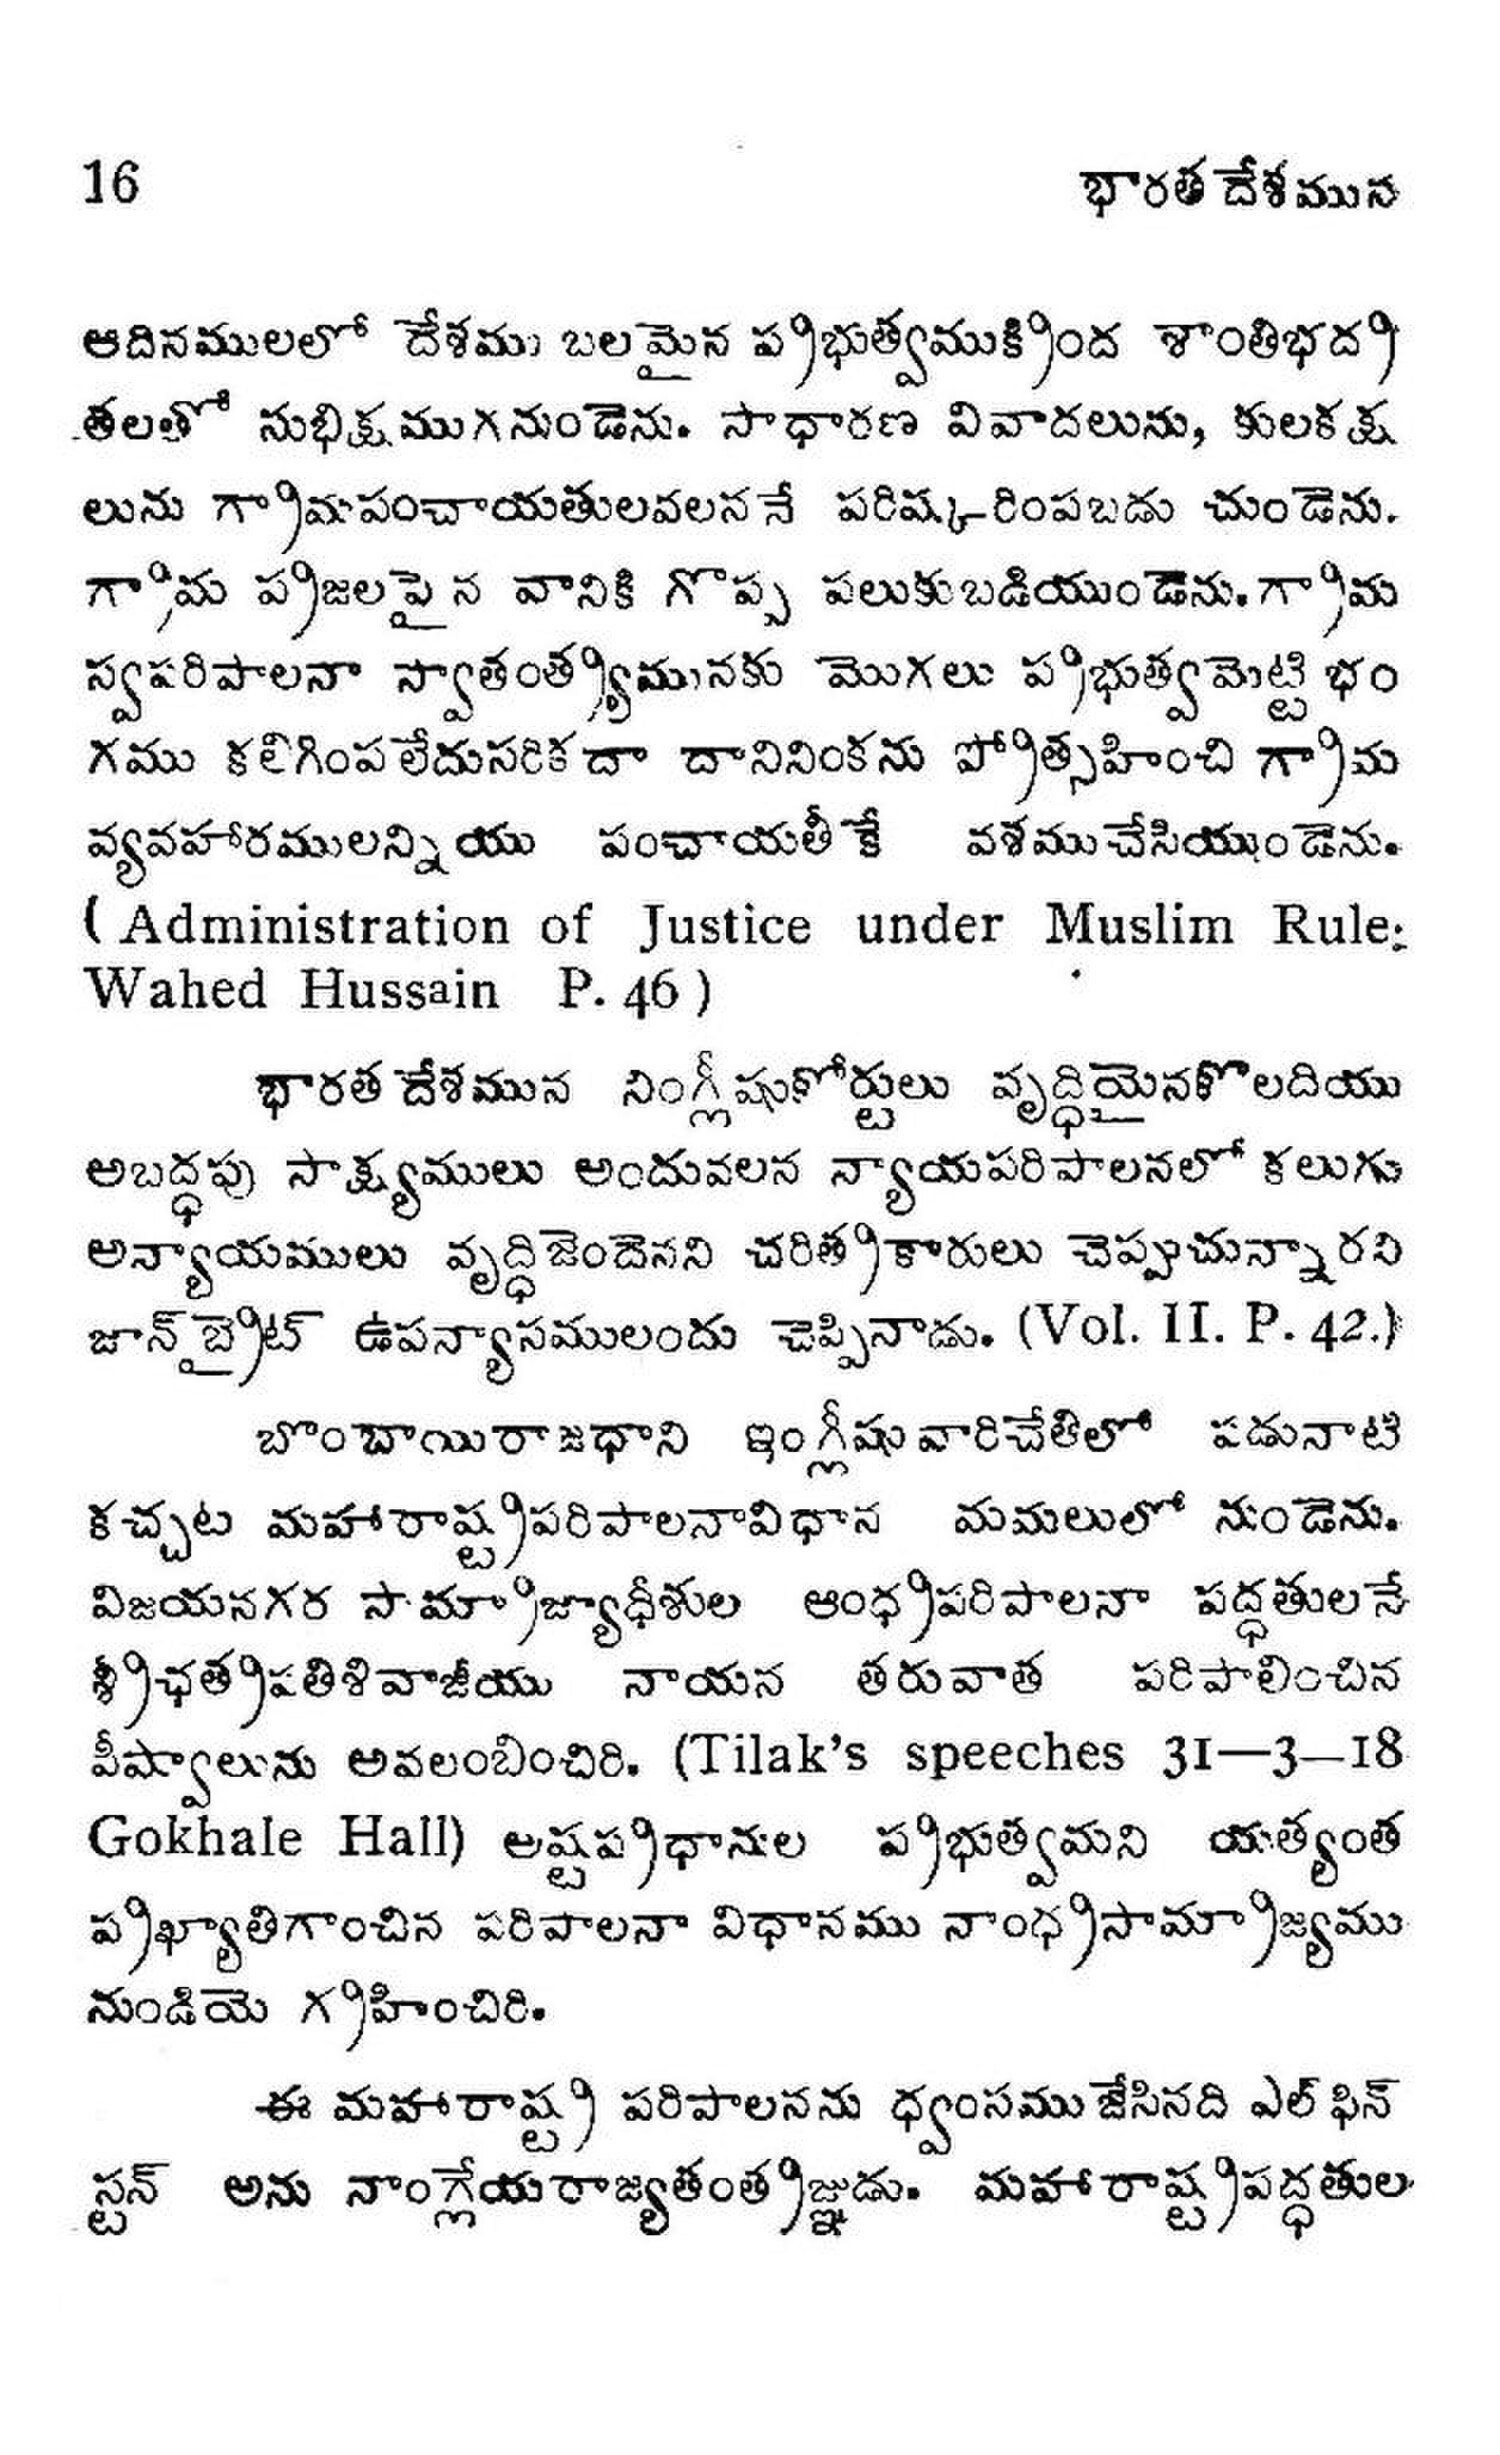ఆదినములలో దేశము బలమైన ప్రభుత్వముక్రింద శాంతిభద్రతలతో సుభిక్షముగనుండెను. సాధారణ వివాదలును, కులకక్షలును గ్రామపంచాయతులవలన నే పరిష్కరింపబడు చుండెను. గ్రామ ప్రజలపైన వానికి గొప్ప పలుకుబడియుండెను. గ్రామ స్వపరిపాలనా స్వాతంత్యమునకు మొగలు ప్రభుత్వమెట్టి భంగము కలిగింపలేదుసరికదా దానినింకను ప్రోత్సహించి గ్రామవ్యవహారములన్నియు పంచాయతీ కే వశముచేసియుండెను. (Administration of Justice under Muslim Rule: Wahed Hussain P.46)

భారతదేశమున నింగ్లీషుకోర్టులు వృద్ధియైనకొలదియు అబద్ధపు సాక్ష్యములు అందువలన న్యాయపరిపాలనలో కలుగు అన్యాయములు వృద్ధిజెందెనని చరిత్రకారులు చెప్పుచున్నారని జాన్‌బ్రైట్ ఉపన్యాసములందు చెప్పినాడు. (Vol. II. P. 42.)

బొంబాయిరాజధాని ఇంగ్లీషువారిచేతిలో పడునాటి కచ్చట మహారాష్ట్రపరిపాలనావిధాన మమలులో నుండెను. విజయనగర సామ్రాజ్యాధీశుల ఆంధ్రపరిపాలనా పద్ధతులనే శ్రీఛత్రపతిశివాజీయు నాయన తరువాత పరిపాలించిన పీష్వాలును అవలంబించిరి. (Tilak's speeches 31–3–18 Gokhale Hall) అష్టప్రధానుల ప్రభుత్వమని యత్యంత ప్రఖ్యాతిగాంచిన పరిపాలనా విధానము నాంధ్రసామ్రాజ్యము నుండియే గ్రహించిరి.

ఈ మహారాష్ట్ర పరిపాలనను ధ్వంసముజేసినది ఎల్ ఫిన్ స్టన్ అను నాంగ్లేయ రాజ్యతంత్రజ్ఞుడు. మహారాష్ట్రపద్ధతుల